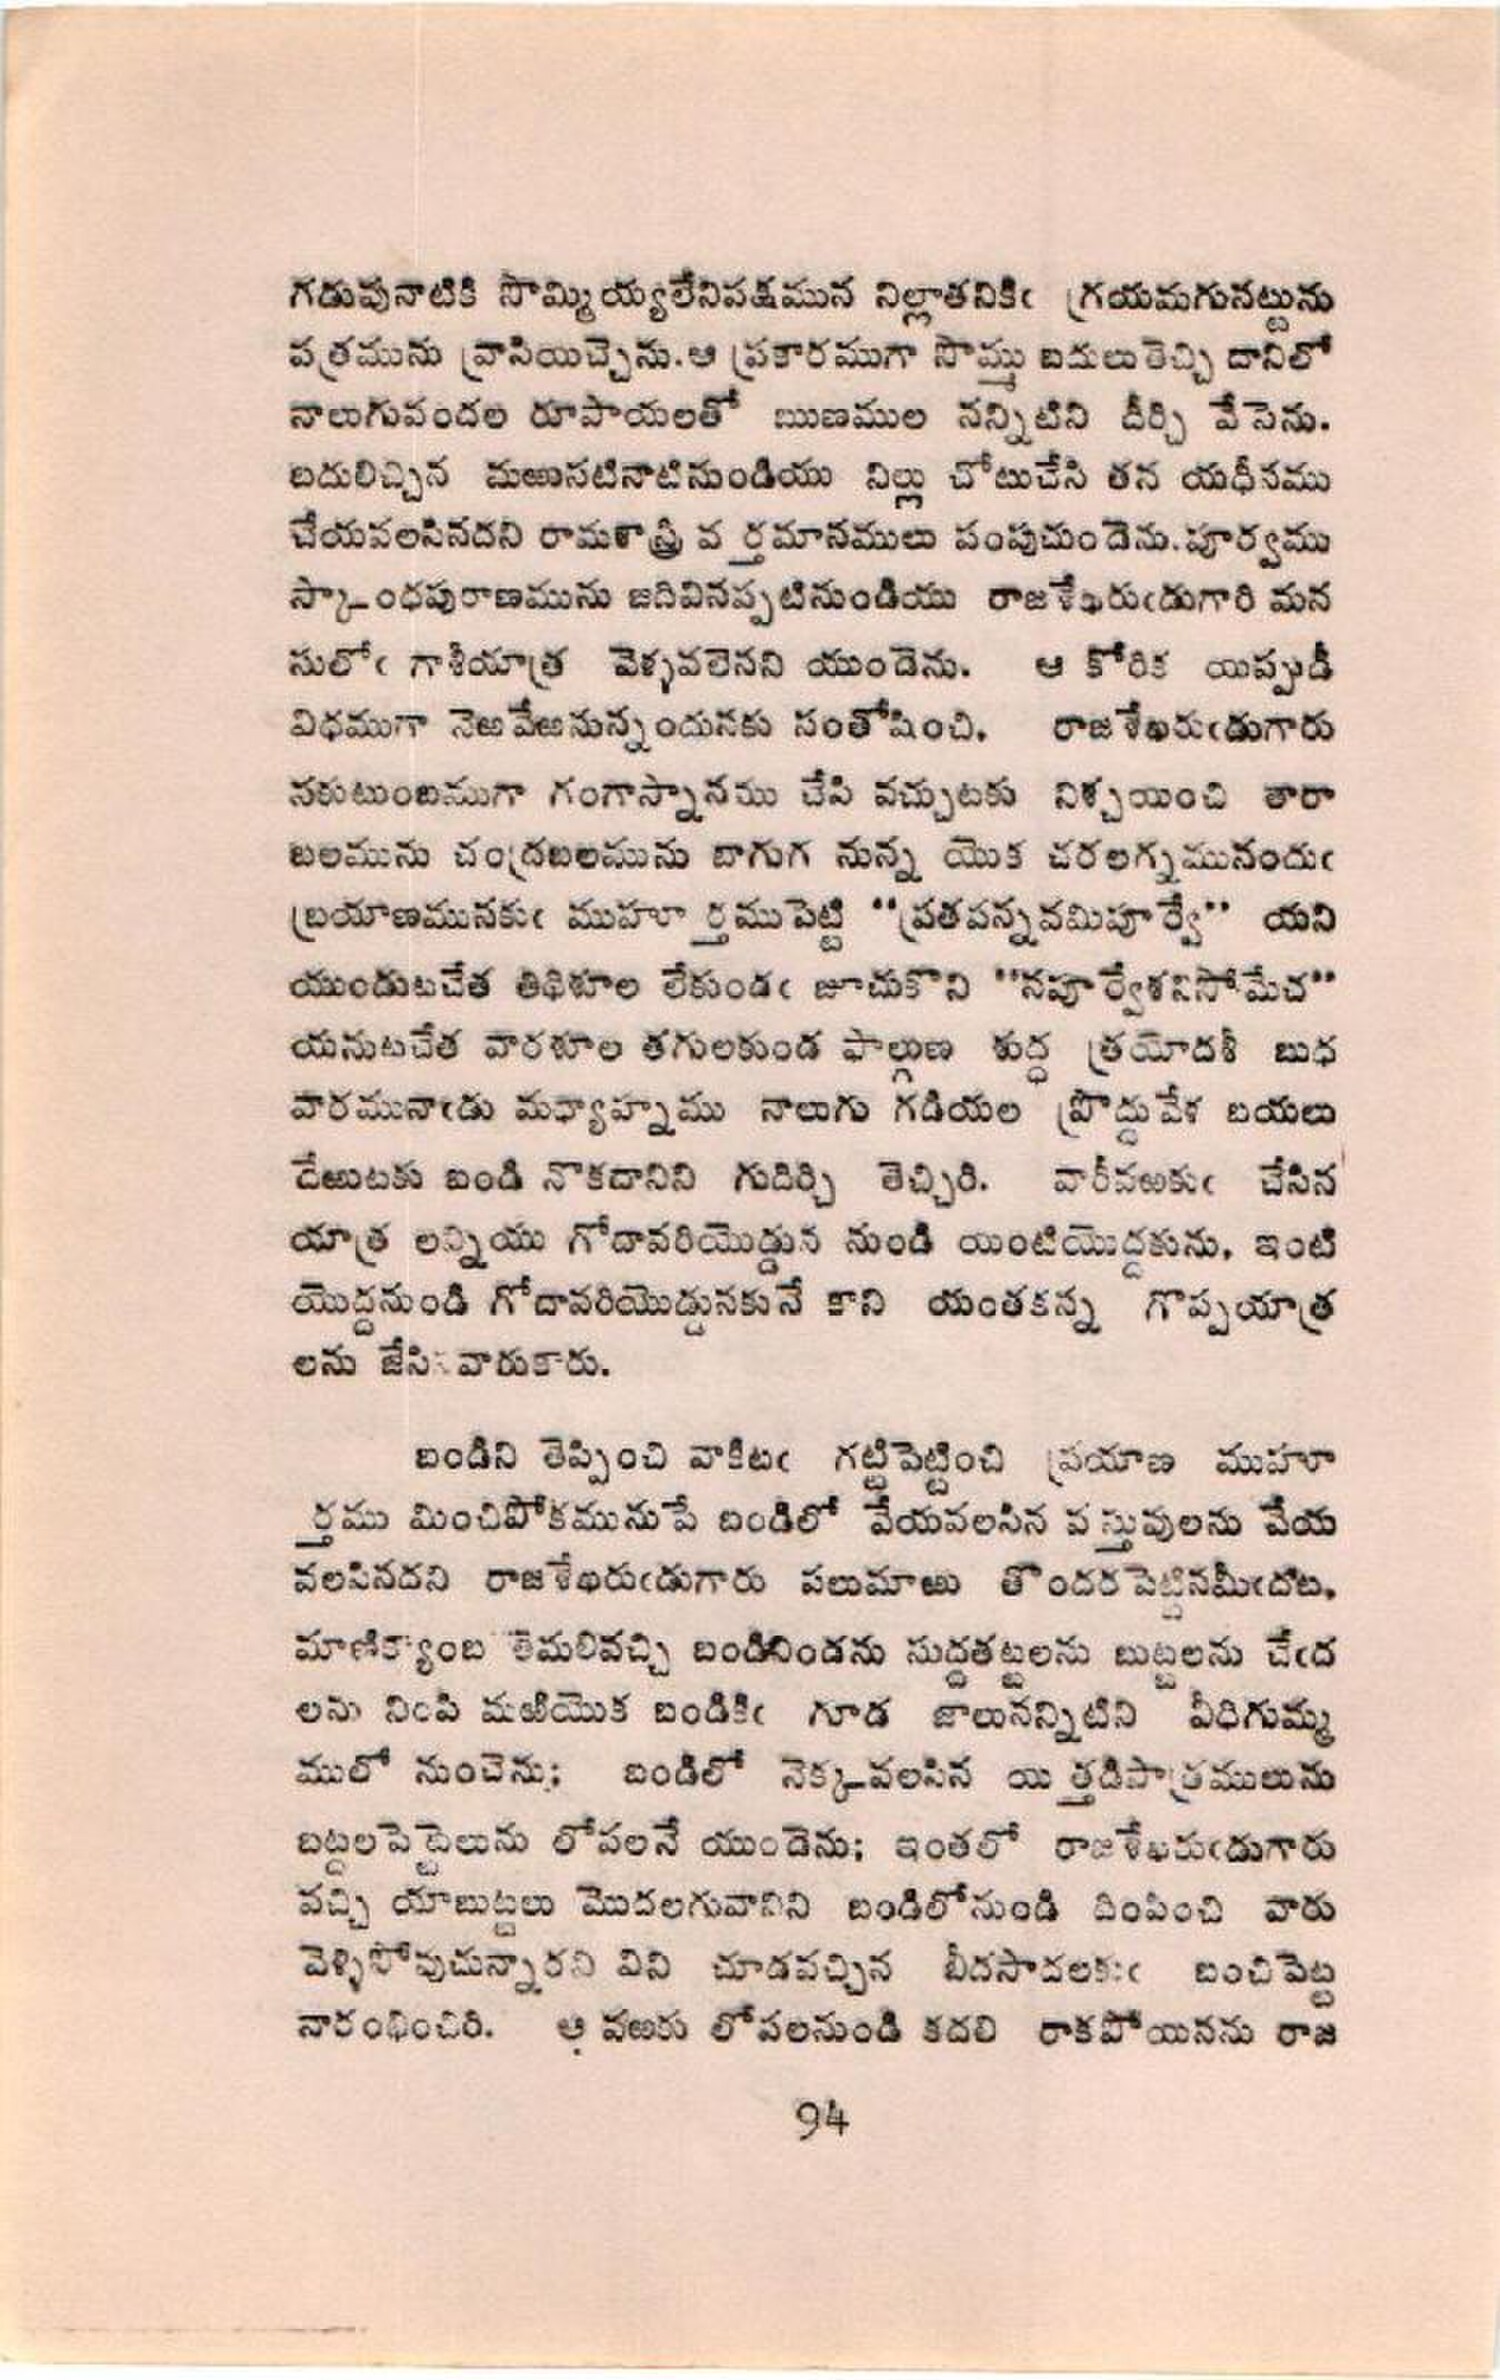గడుపునాటికి సొమ్మియ్యలేనిపక్షమున నిల్లాతనికిఁ గ్రయమగునట్టును పత్రమును వ్రాసియిచ్చెను.ఆ ప్రకారముగా సొమ్ము బదులు తెచ్చి దానిలో నాలుగువందల రూపాయలతో నన్నిటిని దీర్చి వేసెను. బదులిచ్చిన మఱుసటినాటినుండియు 
నిల్లు చోటుచేసి తన యధీనము చేయవలసినదని రామశాస్త్రి వర్తమానములు పంపుచుండెను.పూర్వము స్కాంధపురాణమును జదివినప్పటినుండియు రాజశేఖరుఁడుగారి మన సులో గాశీయాత్ర వెళ్ళవలెనని యుండెను. ఆ కోరిక యిప్పడీ విధముగా నెఱవేఱనున్నందునకు సంతోషించి, రాజశేఖరుడుగారు సకుటుంబముగా గంగాస్నానము చేసి వచ్చుటకు నిశ్చయించి తారా బలమును చంద్రబలమును బాగుగ నున్న యొక చరలగ్నమునందుఁ బ్రయాణమునకుఁ ముహూర్తము పెట్టి "ప్రతపన్నవమిపూర్వే" యని యుండుటచేత తిథిశూల లేకుండఁ జూచుకొని "నపూర్వేశని సోమేచ" యనుటచేత వారటాల తగులకుండ ఫాల్గుణ శుద్ధ త్రయోదశీ బుధ వారమునాడు మధ్యాహ్నము నాలుగు గడియల ప్రొద్దువేళ బయలు దేఱుటకు బండి నొకదానిని గుదిర్చి తెచ్చిరి. వారీవఱకు చేసిన యాత్ర లన్నియు గోదావరియొడ్డున నుండి యింటియొద్దకును, ఇంటి యొద్దనుండి గోదావరియొడ్డునకునే కాని యంతకన్న గొప్పయాత్ర లను జేసిన వారుకారు.

బండిని తెప్పించి వాకిటఁ గట్టిపెట్టించి ప్రయాణ ముహూర్తము మించిపోకమునుపే బండిలో వేయవలసిన వస్తువులను వేయ వలసినదని రాజశేఖరుఁడుగారు పలుమాఱు తొందరపెట్టినమీఁదట, మాణిక్యాంబ తెమలివచ్చి బండినిండను సుద్దతట్టలను బట్టలను చేఁద లను నింపి మఱియెుక బండికి గూడ జాలునన్నిటిని వీధిగుమ్మములో నుంచెను; బండిలో నెక్కవలసిన యిత్తడి పాత్రములను బట్టలపెట్టెలును లోపలనే యుండెను: ఇంతలో రాజశేఖరుడుగారు వచ్చి యాబుట్టలు మొదలగువానిని బండిలోనుండి దింపించి వారు వెళ్ళిపోవుచున్నారని విని చూడవచ్చిన బీదసాదలకు బంచిపెట్ట నారంభించిరి. ఆ వఱకు లోపలనుండి కదలి రాకపోయినను రాజ